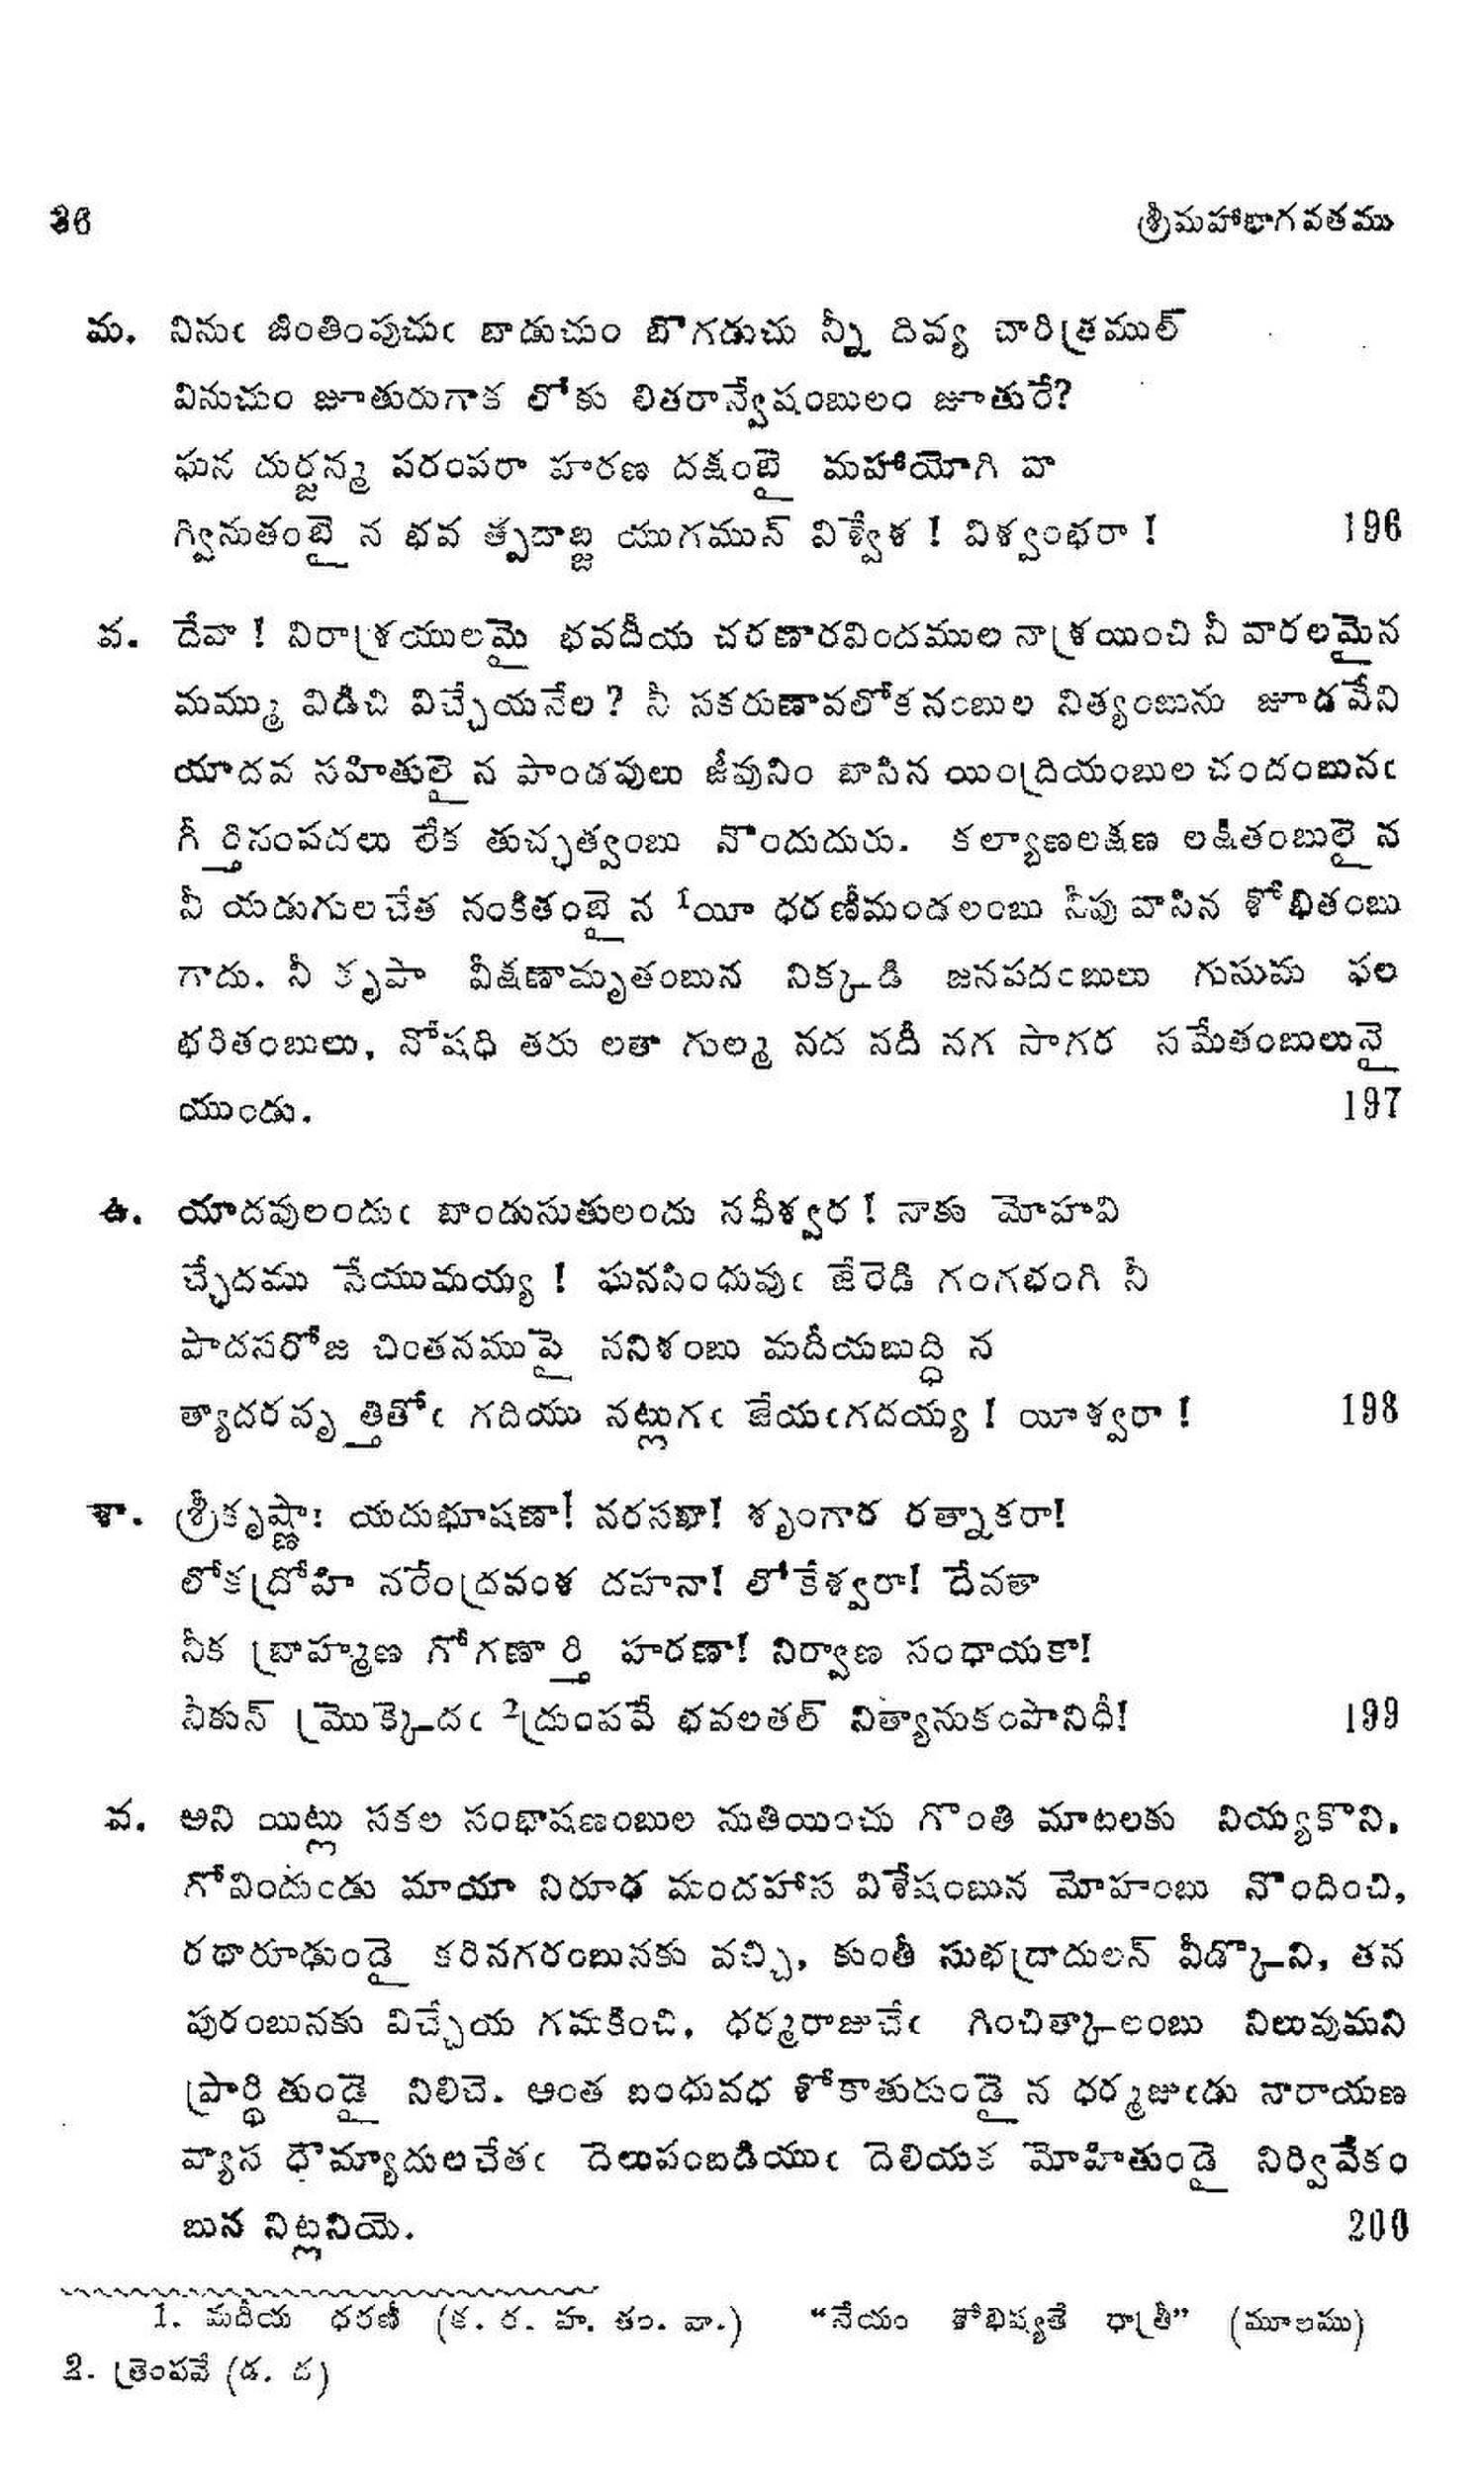36

మ. నినుఁ జింతించుచుఁ బాడుచుం బొగడుచు న్నీ దివ్యచారిత్రముల్

వినుచుం జూతురు గాక లోకు లితరాన్వేషంబులం జూతురే ?

ఘన దుర్జన్మ పరంపరా హరణ దక్షంబై మహాయోగి వాగ్

వినుతంబైన భవత్‌పదాబ్జ యుగమున్ విశ్వేశ ! విశ్వంభరా ! (1-196)

వ. దేవా ! నిరాశ్రయులమై భవదీయ చరణారవిందముల నాశ్రయించి నీవారలమైన మమ్ము విడిచి విచ్చేయనేల ? నీ కరుణావలోకనంబుల నిత్యంబును జూడవేని యాదవ సహితులైన పాండవులు జీవునిం బాసిన యింద్రియంబుల అచందంబునఁ గీర్తిసంపదలు లేక తుచ్ఛత్వంబు నొందుదురు. కల్యాణ లక్షణ లక్షితంబులైన నీ యడుగుల చేత నంకితంబైన యీ ధరణీమండలంబు నీవు వాసిన శోభితంబు గాదు. నీ కృపావీక్షణామృతంబున నిక్కడి జనపదంబులు కుసుమ ఫలభరితంబులు నోషధి తరు లతా గుల్మ నద నదీ నగ సాగర సమేతంబులునై యుండు. (1-197)
 

ఉ. యాదవులందుఁ బాండుసుతులందు నధీశ్వర ! నాకు మోహ వి

చ్ఛేదము సేయుమయ్య ! ఘనసింధువుఁ జేరెడి గంగ భంగి నీ

పాద సరోజ చింతనముపై ననిశంబు మదీయ బుద్ధి న

త్యాదర వృత్తితోఁ గదియునట్లుగఁ జేయఁగదయ్య ! యీశ్వరా ! (1-198)

శా. శ్రీకృష్ణా ! యదుభూషణా ! నరసఖా ! శృంగార రత్నాకరా !

లోకద్రోహినరేంద్రవంశదహనా !లోకేశ్వరా ! దేవతా

నీక బ్రాహ్మణ గో గణార్తి హరణా ! నిర్వాణ సంధాయకా !

నీకున్ మ్రొక్కెదఁ ద్రుంపవే భవలతల్ నిత్యానుకంపానిధీ ! (1-199)

వ. అని యిట్లు సకల సంభాషణంబుల నుతియించు గొంతి మాటలకు నియ్యకొని గోవిందుండు మాయా నిరూఢ మందహాస విశేషంబున మోహంబు నొందించి రథారూఢుండై కరినగరంబునకు వచ్చి కుంతీ సుభద్రాదులన్ వీడ్కొని తన పురంబునకు విచ్చేయ గమకించి ధర్మరాజుచేఁ గించిత్కాలంబు నిలువుమని ప్రార్థితుండై నిలిచె. అంత బంధువధ శోకాతురుండైన ధర్మజుండు నారాయణ వ్యాస ధౌమ్యాదులచేతఁ దెలుపంబడియుఁ దెలియక మోహితుండై నిర్వివేకంబున నిట్లనియె. (1-200)